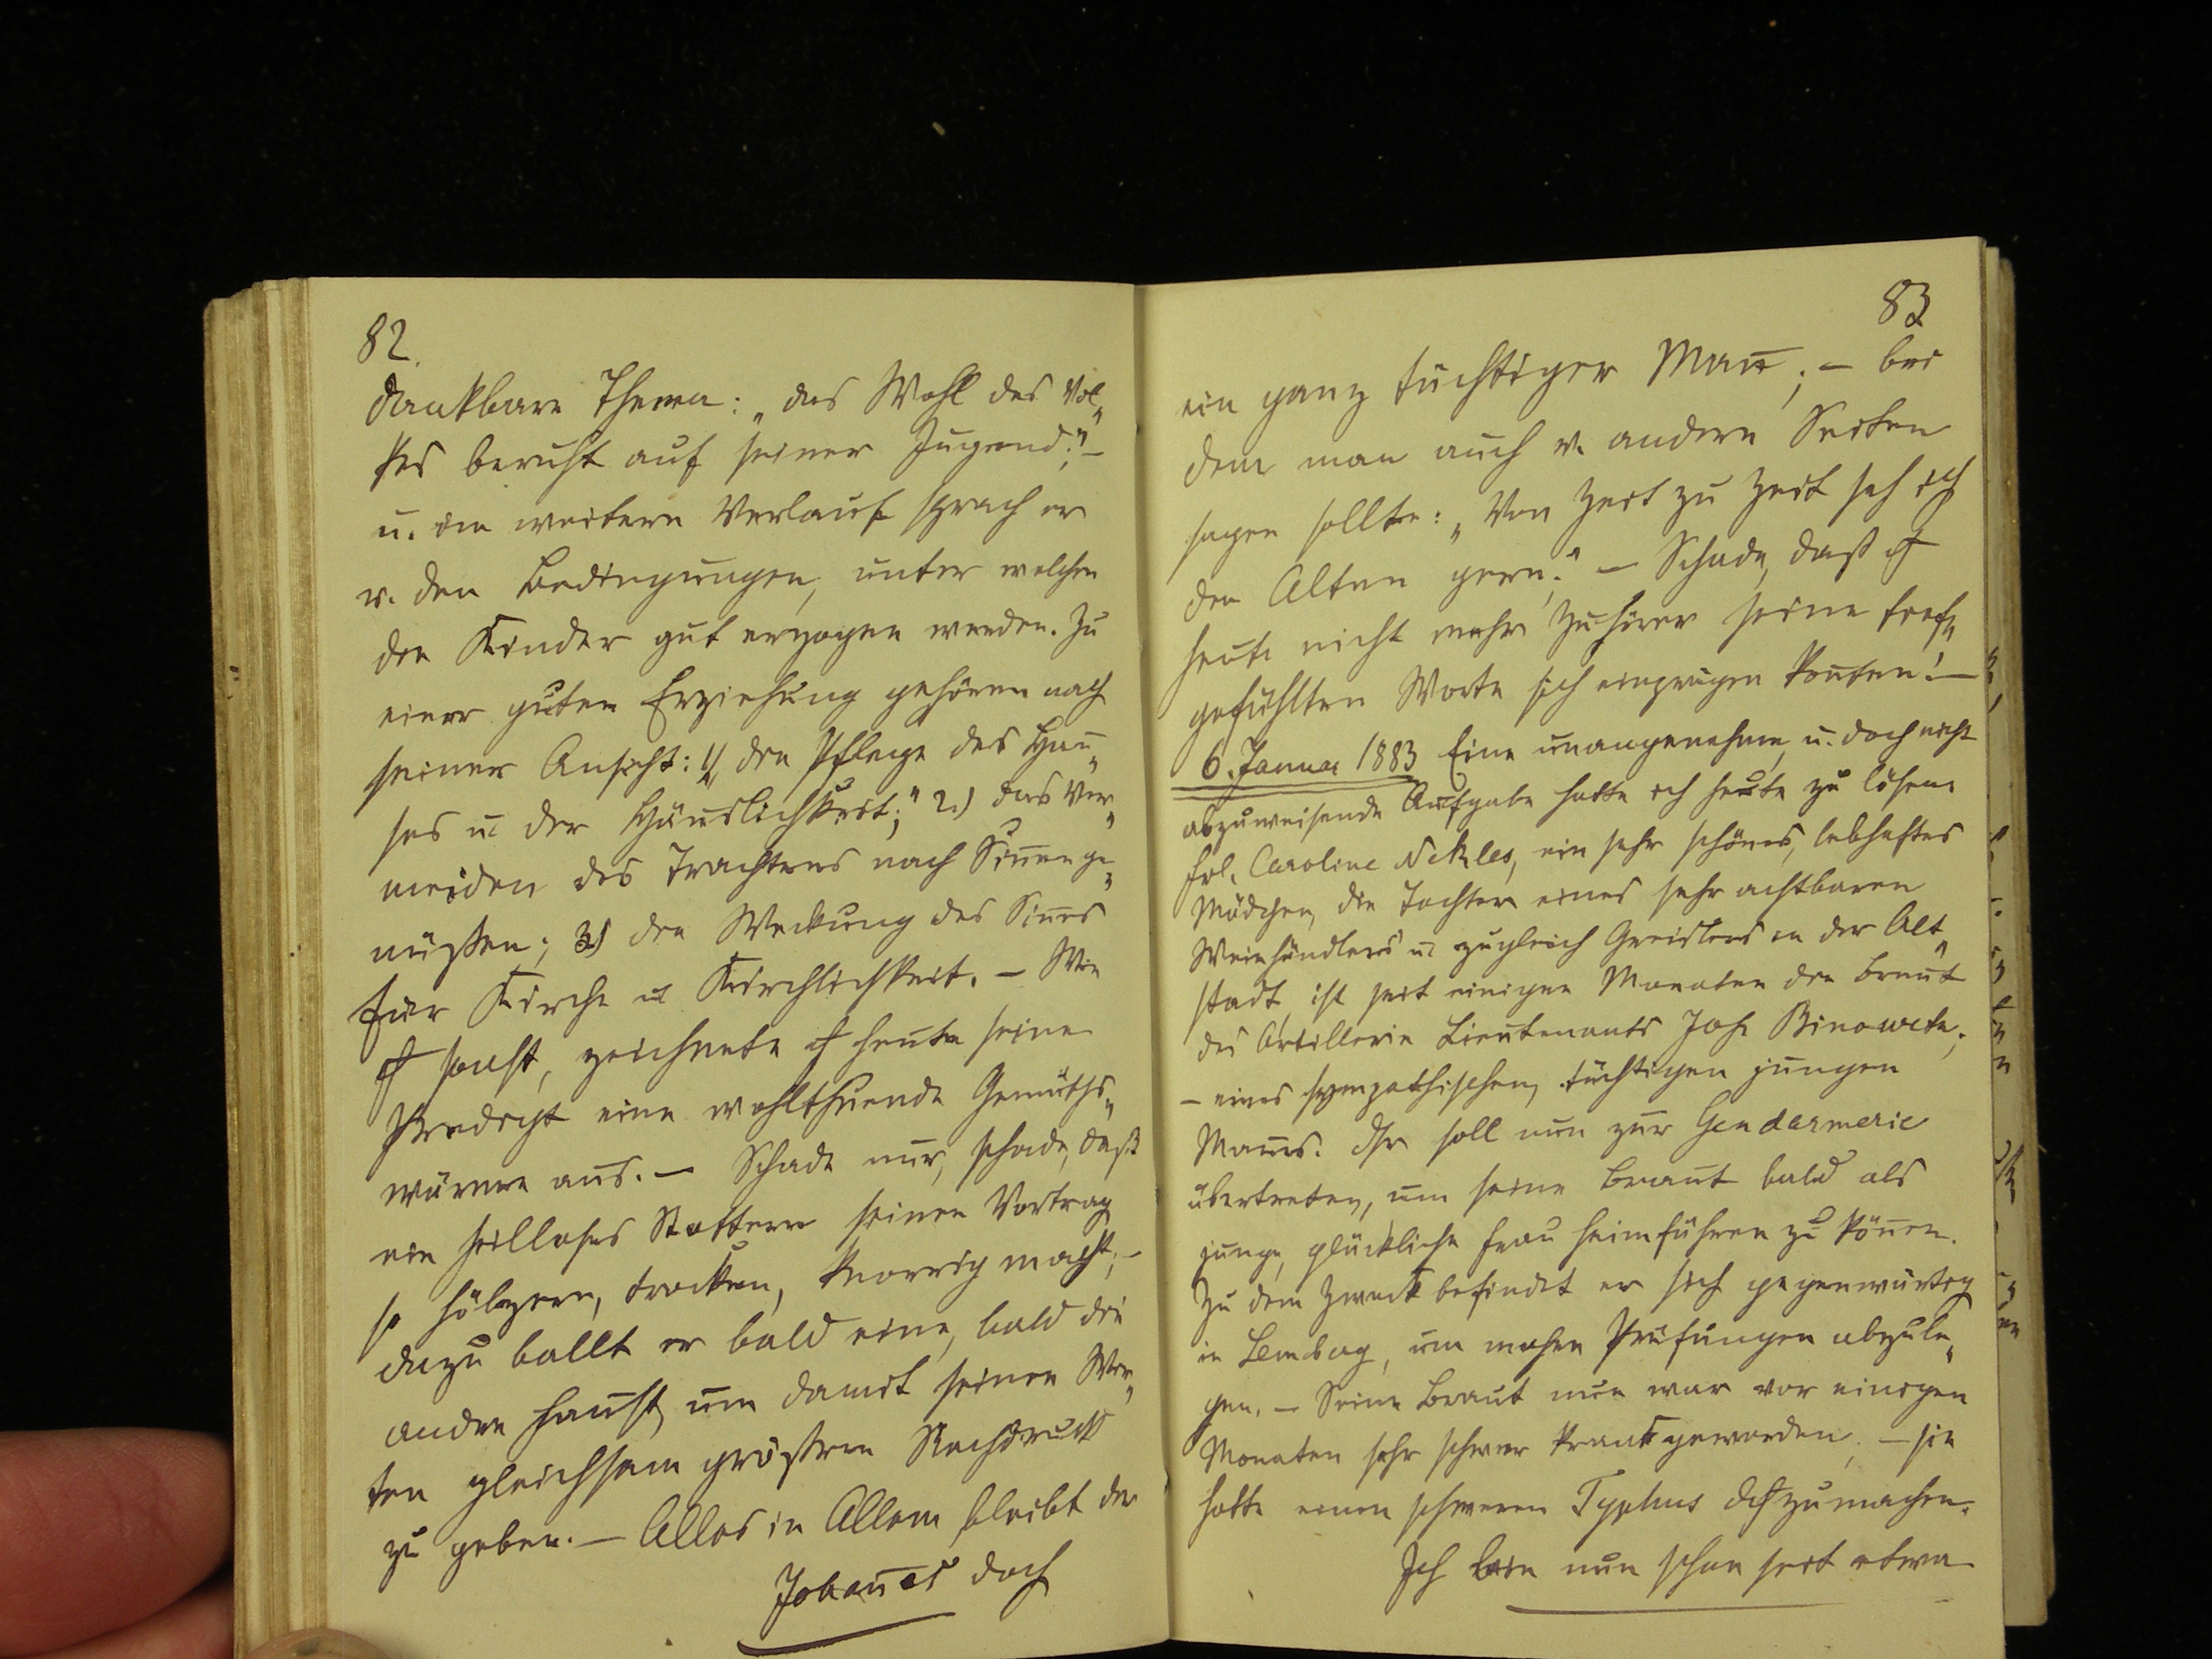82
dankbare Thema:“ Das Wohl des Vol¬
kes beruht auf seiner Jugend“;-
und im weiteren Verlauf sprach er
von den Bedingungen, unter welchen
die Kinder gut erzogen werden. Zu
einer guten Erziehung gehören nach
seiner Ansicht: 1) Die Pflege des Hau¬
ses und der Häuslichkeit; 2) Das Ver¬
meiden des Trachtens nach Sinnenge¬
nüßen; 3) Die Weckung des Sinnes
für Kirche und Kirchlichkeit. Wie
auch sonst, zeichnete auch heute seine
Predigt eine wohlthuende Gemüts¬
wärme aus..-Schade nur, schade daß
ein heilloses Stottern seinen Vortrag
so hölzern, trocken knorrig macht,
dazu ballt er bald eine, bald die
andere Faust um damit seinen Wor¬
ten gleichsam größren Nachdruck
zu geben.- Alles in Allem bleibt der
Johannes doch
83
ein ganz tüchtiger Mann;- bei
dem man auch nach anderen Seiten
fragen sollte:“ Von Zeit zu Zeit sah ich
den Alten gern“-Schade daß auch
heute nicht mehr Zuhörer seine tief en
gefüllten Worte sich einprägen konnten.
6. Januar 1883. Eine unangenehme und doch nicht
abzuweisende Aufgabe hatte ich heute zu lösen.
Frl. Caroline Neckles, ein sehr schönes, lebhaftes
Mädchen, die Tochter eines sehr achtbaren
Weinhändlers und zugleich ? Greisters in der Alt¬
stadt ist seit einigen Monaten die Braut
des Artillerie Lieutenants Joh. Binoweta-
eines sympathischen, tüchtigen jungen
Mannes. Er soll nun zur Gendarmarie
übertreten, um seine Braut bald als
junge, glückliche Frau heimführen zu können.
Zu dem Zweck befindet er sich gegenwärtig
in Lemberg, um mehrere Prüfungen abzule¬
gen.- SeineBraut nun war vor einigen
Monaten sehr schwer krank geworden, sie
hatte einen schweren Typhus durchzumachen.
Ich bin nun schon seit etwa